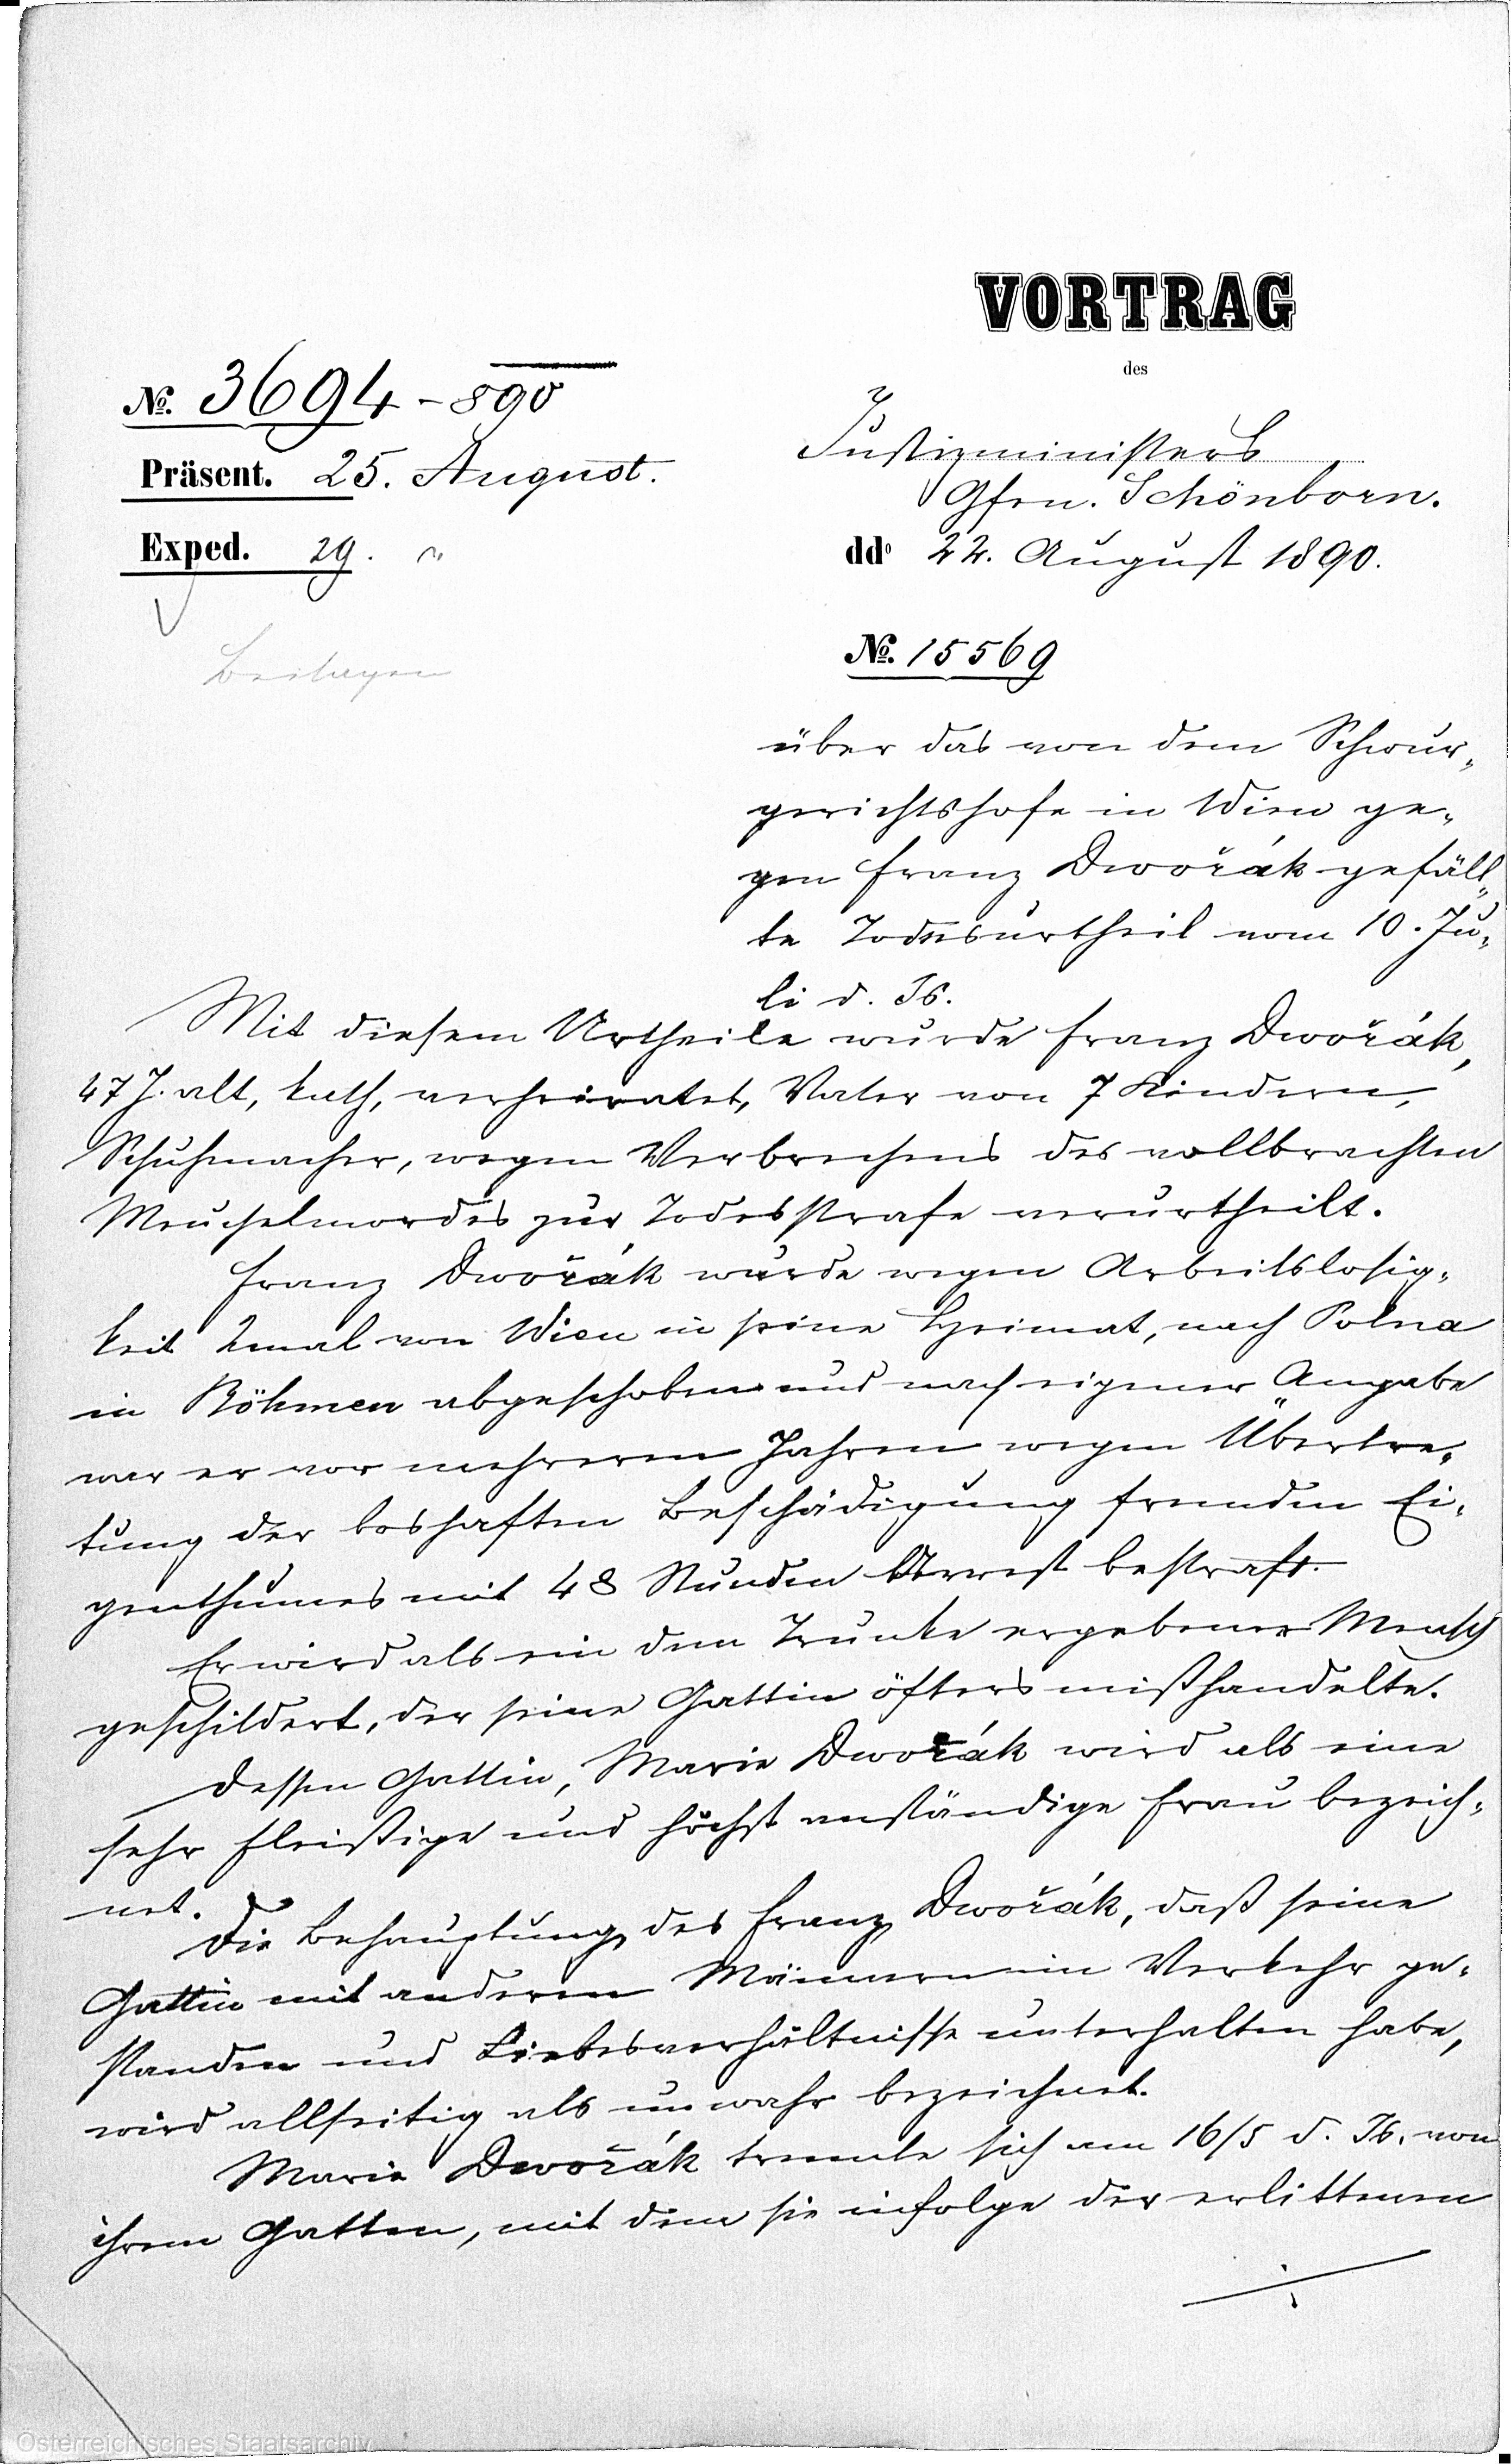VORTRAG
des
Justizministers
Gfen. Schönborn.
dd° 22. August 1890.
N° 15569
über das von dem Schwur¬
gerichtshofe in Wien ge¬
gen Franz Dwořák gefäll¬
te Todesurtheil vom 10. Ju¬
li d. 36.
Mit diesem Urtheilte wurde Franz Dwořák,
47 J. alt, kath, verheiratet, Vater von 7 Kindern,
Schuhmacher, wegen Verbrechens des vollbrachten
Meuchelmordes zur Todesstrafe verurtheilt.
Franz Dwořák wurde wegen Arbeitslosig¬
keit 2mal von Wien in seine Heimat, nach Polna
in Böhmen abgeschoben und nach eigener Angabe
war er vor mehreren Jahren wegen Übertre¬
tung der loshaften Beschädigung fremden Ei¬
genthumes mit 48 Stunden Arrest bestraft.
Er wird als ein dem Trunke ergebener Mensch
geschildert, der seine Gattin öfters mißhandelte.
Dessen Gattin, Marie Dwořák wird als eine
sehr Fleißige und höchst anständige Frau bezeich¬
net.
Die Behauptung des Franz Dwořák, daß seine
Gattin mit anderen Männerxxin Verkehr ge¬
standen und Liebesverhältnisse unterhalten habe,
wird allseitig als xx wahr bezeichnet.
Marie Dwořák trennte sich am 16/6 d. xx, von
ihrem Gatten, mit dem sie infolge der erlittenen
N° 3694-890
Präsent. 25. August.
Exped. 29. August.
Beilagen